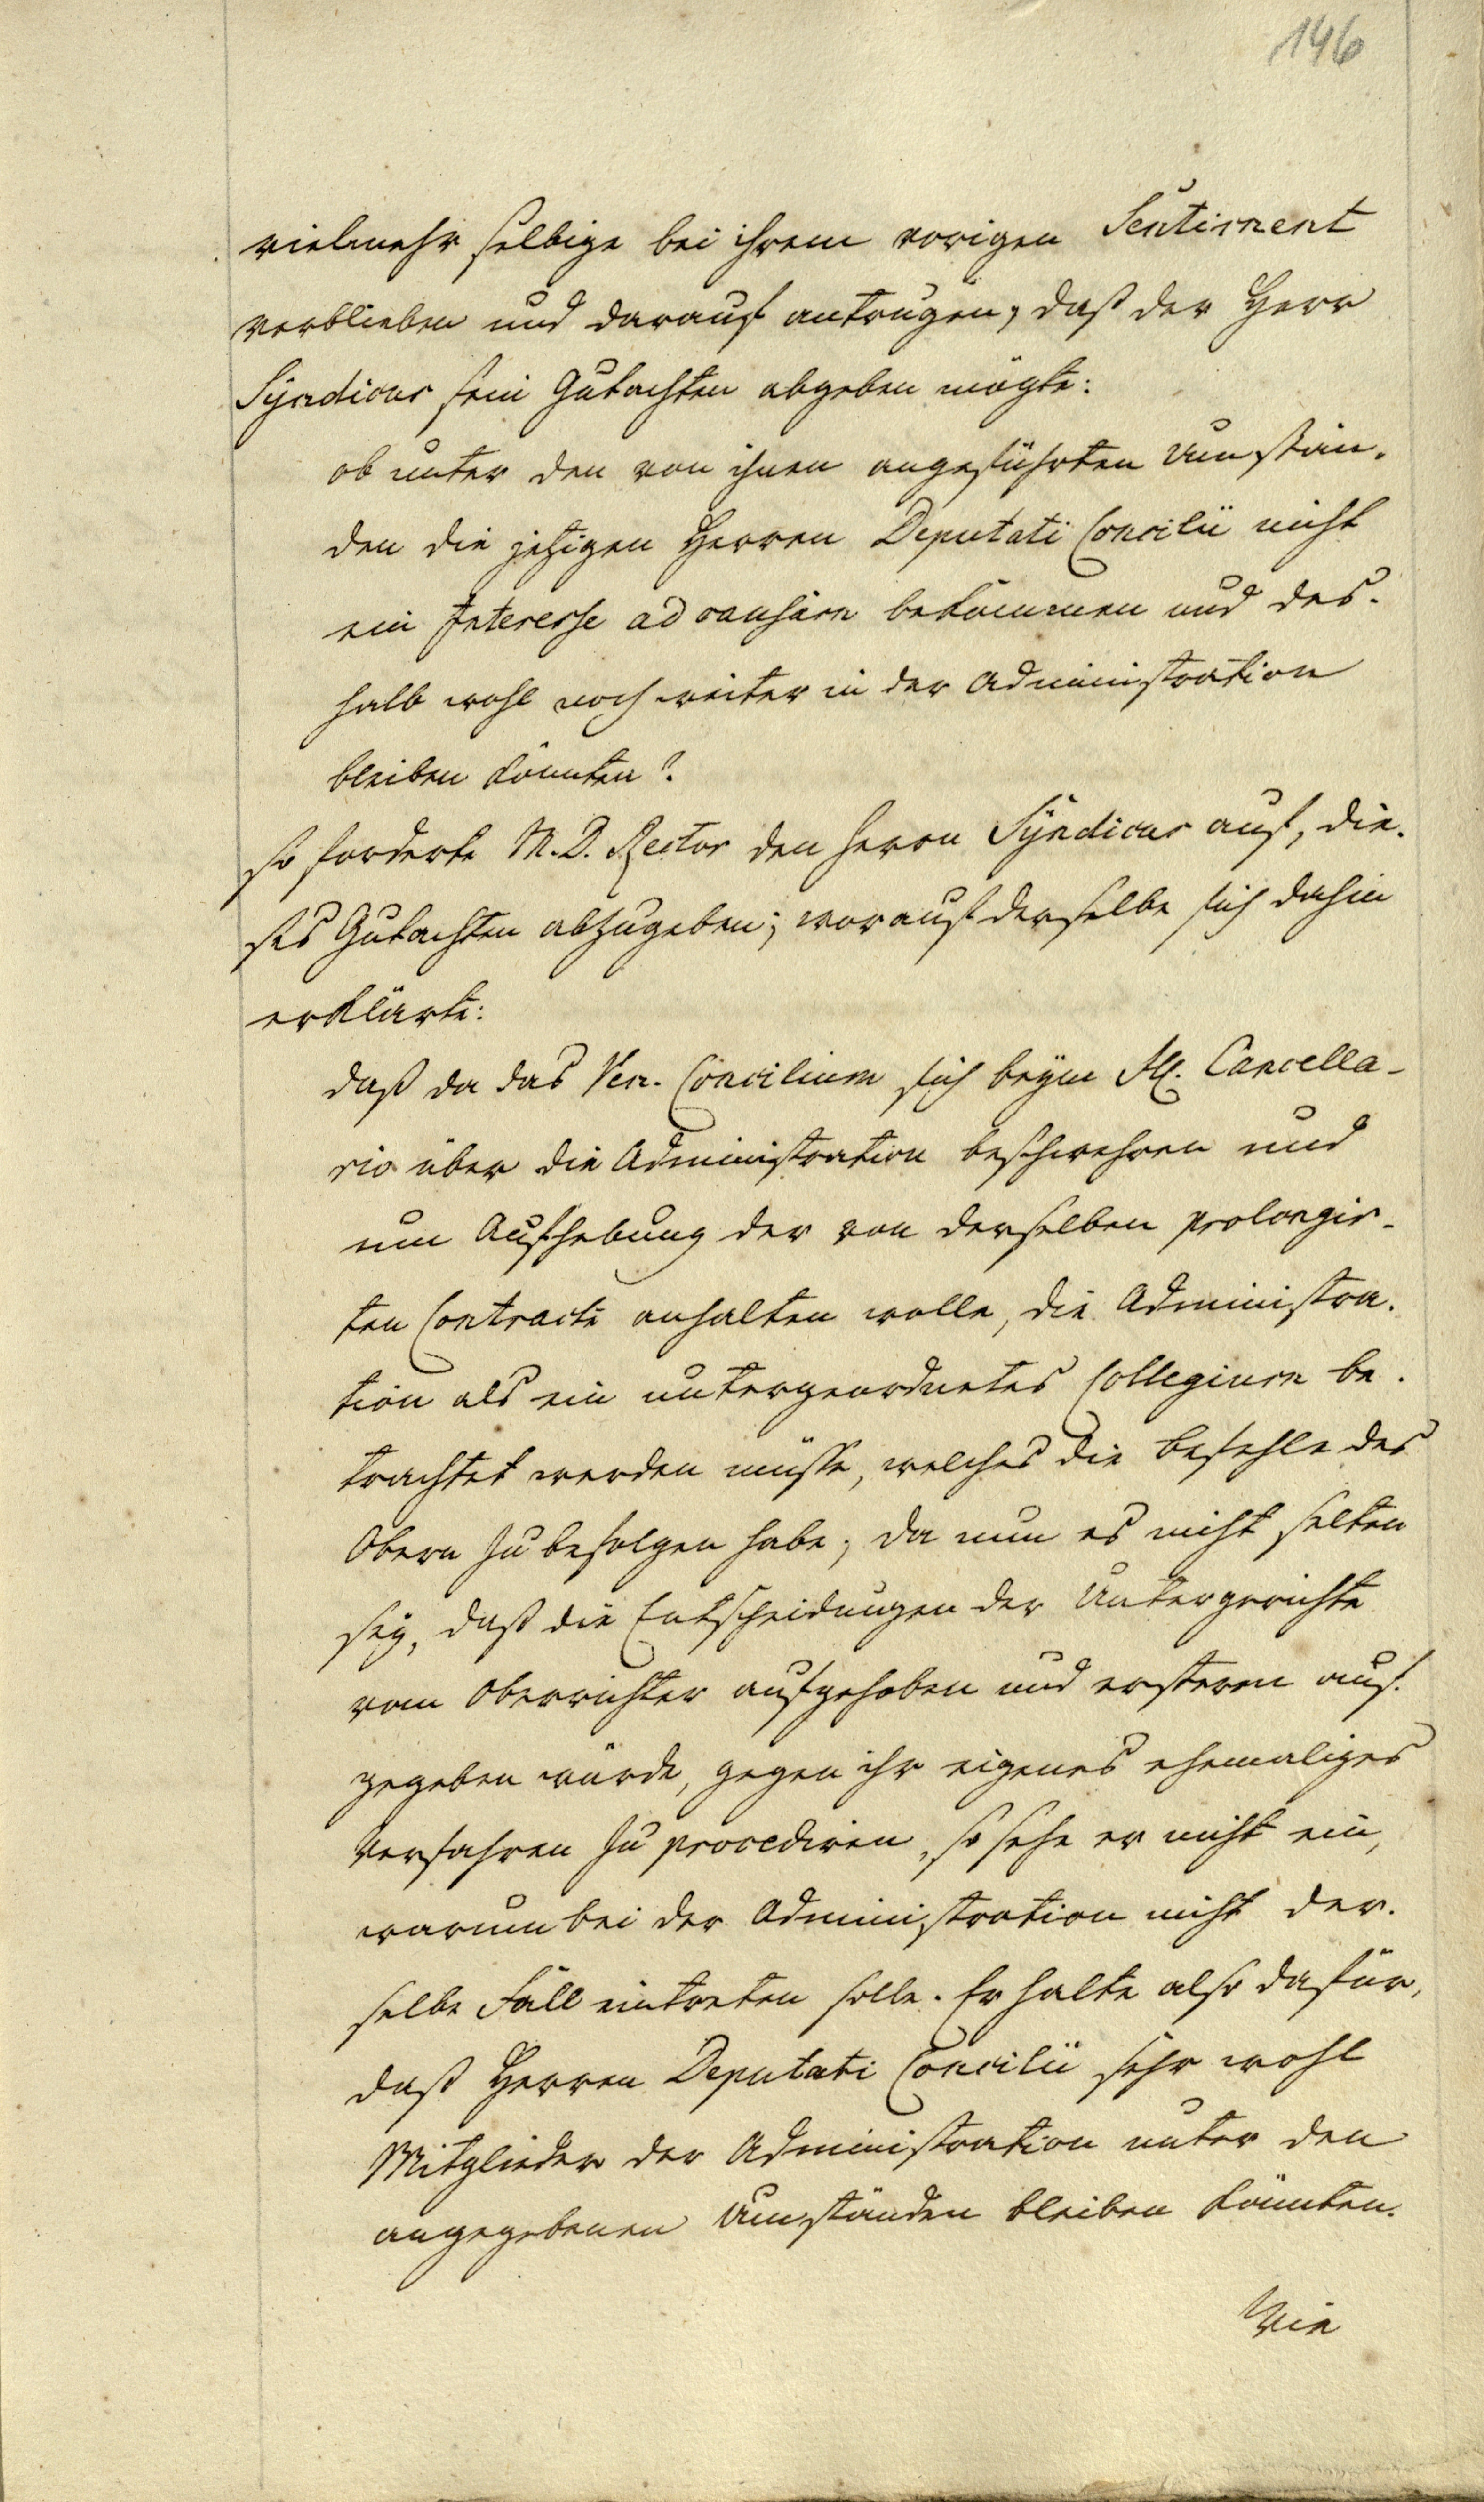vielmehr selbige bei ihrem vorigen Sentiment
verblieben und darauf antragen, daß der Herr
Sÿndicus sein Gutachten abgeben mögte:
ob unter den von ihnen angeführten Umstän¬
den die jetzigen Herren Deputati Concilii nicht
ein Interesse ad causam bekommen und des¬
halb wohl noch weiter in der Administration
bleiben könnten?
so forderte M. D. Rector den Herrn Sÿndicus auf, die¬
ses Gutachten abzugeben; worauf derselbe sich dahin
erklärte:
daß da das Ven. Concilium sich beÿm Ill. Cancella¬
rio über die Administration beschwehren und
um Aufhebung der von derselben prolongir¬
ten Contracte anhalten wolle, die Administra¬
tion als ein untergeordnetes Collegium be¬
trachtet werden müsse, welches die Befehle des
Obern zu befolgen habe; da nun es nicht selten
seÿ, daß die Entscheidungen der Untergerichte
vom Oberrichter aufgehoben und ersteren auf¬
gegeben würde, gegen ihr eigenes ehemaliges
Verfahren zu procediren, so sehe er nicht ein,
warum bei der Administration nicht der¬
selbe Fall eintreten solle. Er halte also dafür,
daß Herren Deputati Concilii sehr wohl
Mitglieder der Administration unter den
angegebenen Umständen bleiben könnten.
Wie